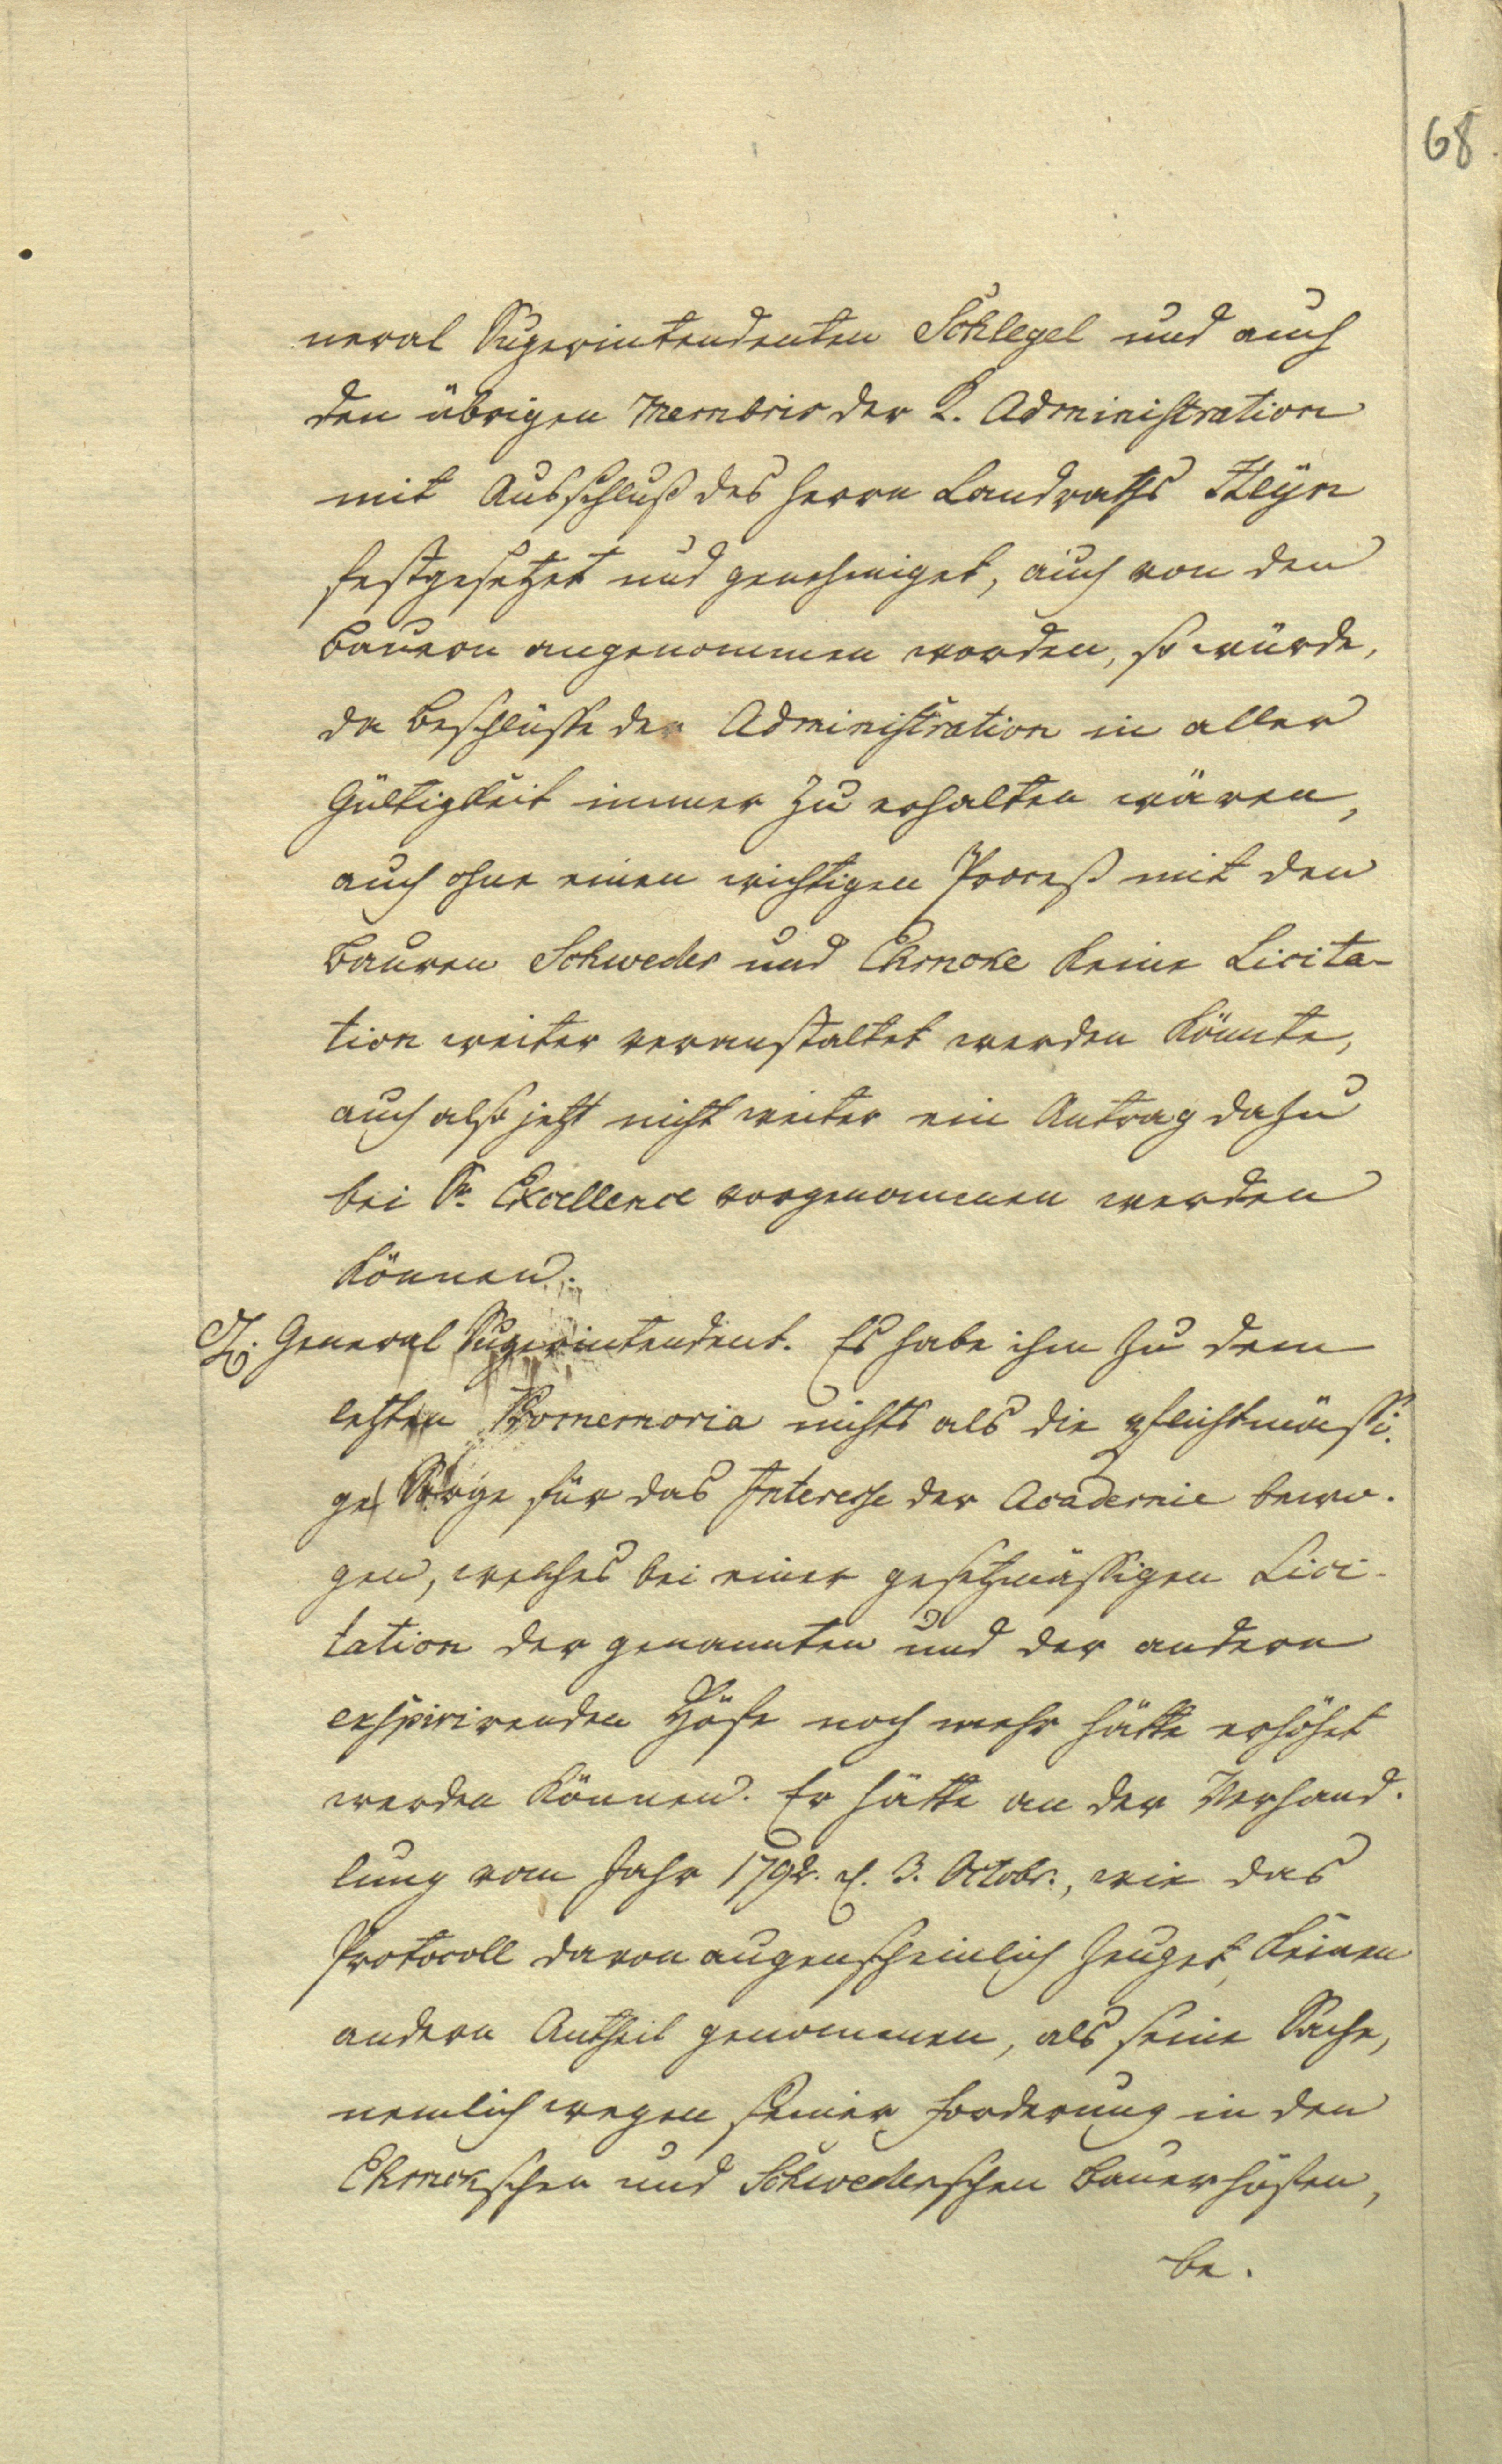neral Superintendenten Schlegel und auch
den übrigen Membris der K. Administration
mit Ausschluß des Herrn Landraths Heÿn
festgesetzet und genehmiget, auch von den
Bauern angenommen worden, so würde,
da Beschlüste der Administration in aller
Gültigkeit immer zu erhalten wären,
auch ohne einen wichtigen Proceß mit den
Bauren Schweder und Ehmcke keine Licita¬
tion weiter veranstaltet werden könnte,
auch als jetzt nicht weiter ein Antrag dahin
bei Sr Excellence vorgenommen werden
können.
dh. General Superintendent. Es habe ihm zu dem
letzten Promemoria nichts als die pflichtmässi¬
ge Sorge für das Interesse der Academie bewo¬
gen, welches bei einer gesetzmässigen Lici¬
tation der genannten und der andern
exspirirenden Höfe noch mehr hätte erhöhet
werden können. Er hätte an der Verhand¬
lung vom Jahr 1792. d. 3. Octobr., wie das
Protocoll davon augenscheinlich zeuget, keinen
andern Antheil genommen, als seine Sache,
nemlich wegen seiner Forderung in den
Ehmckschen und Schwederschen Bauerhöfen,
be¬